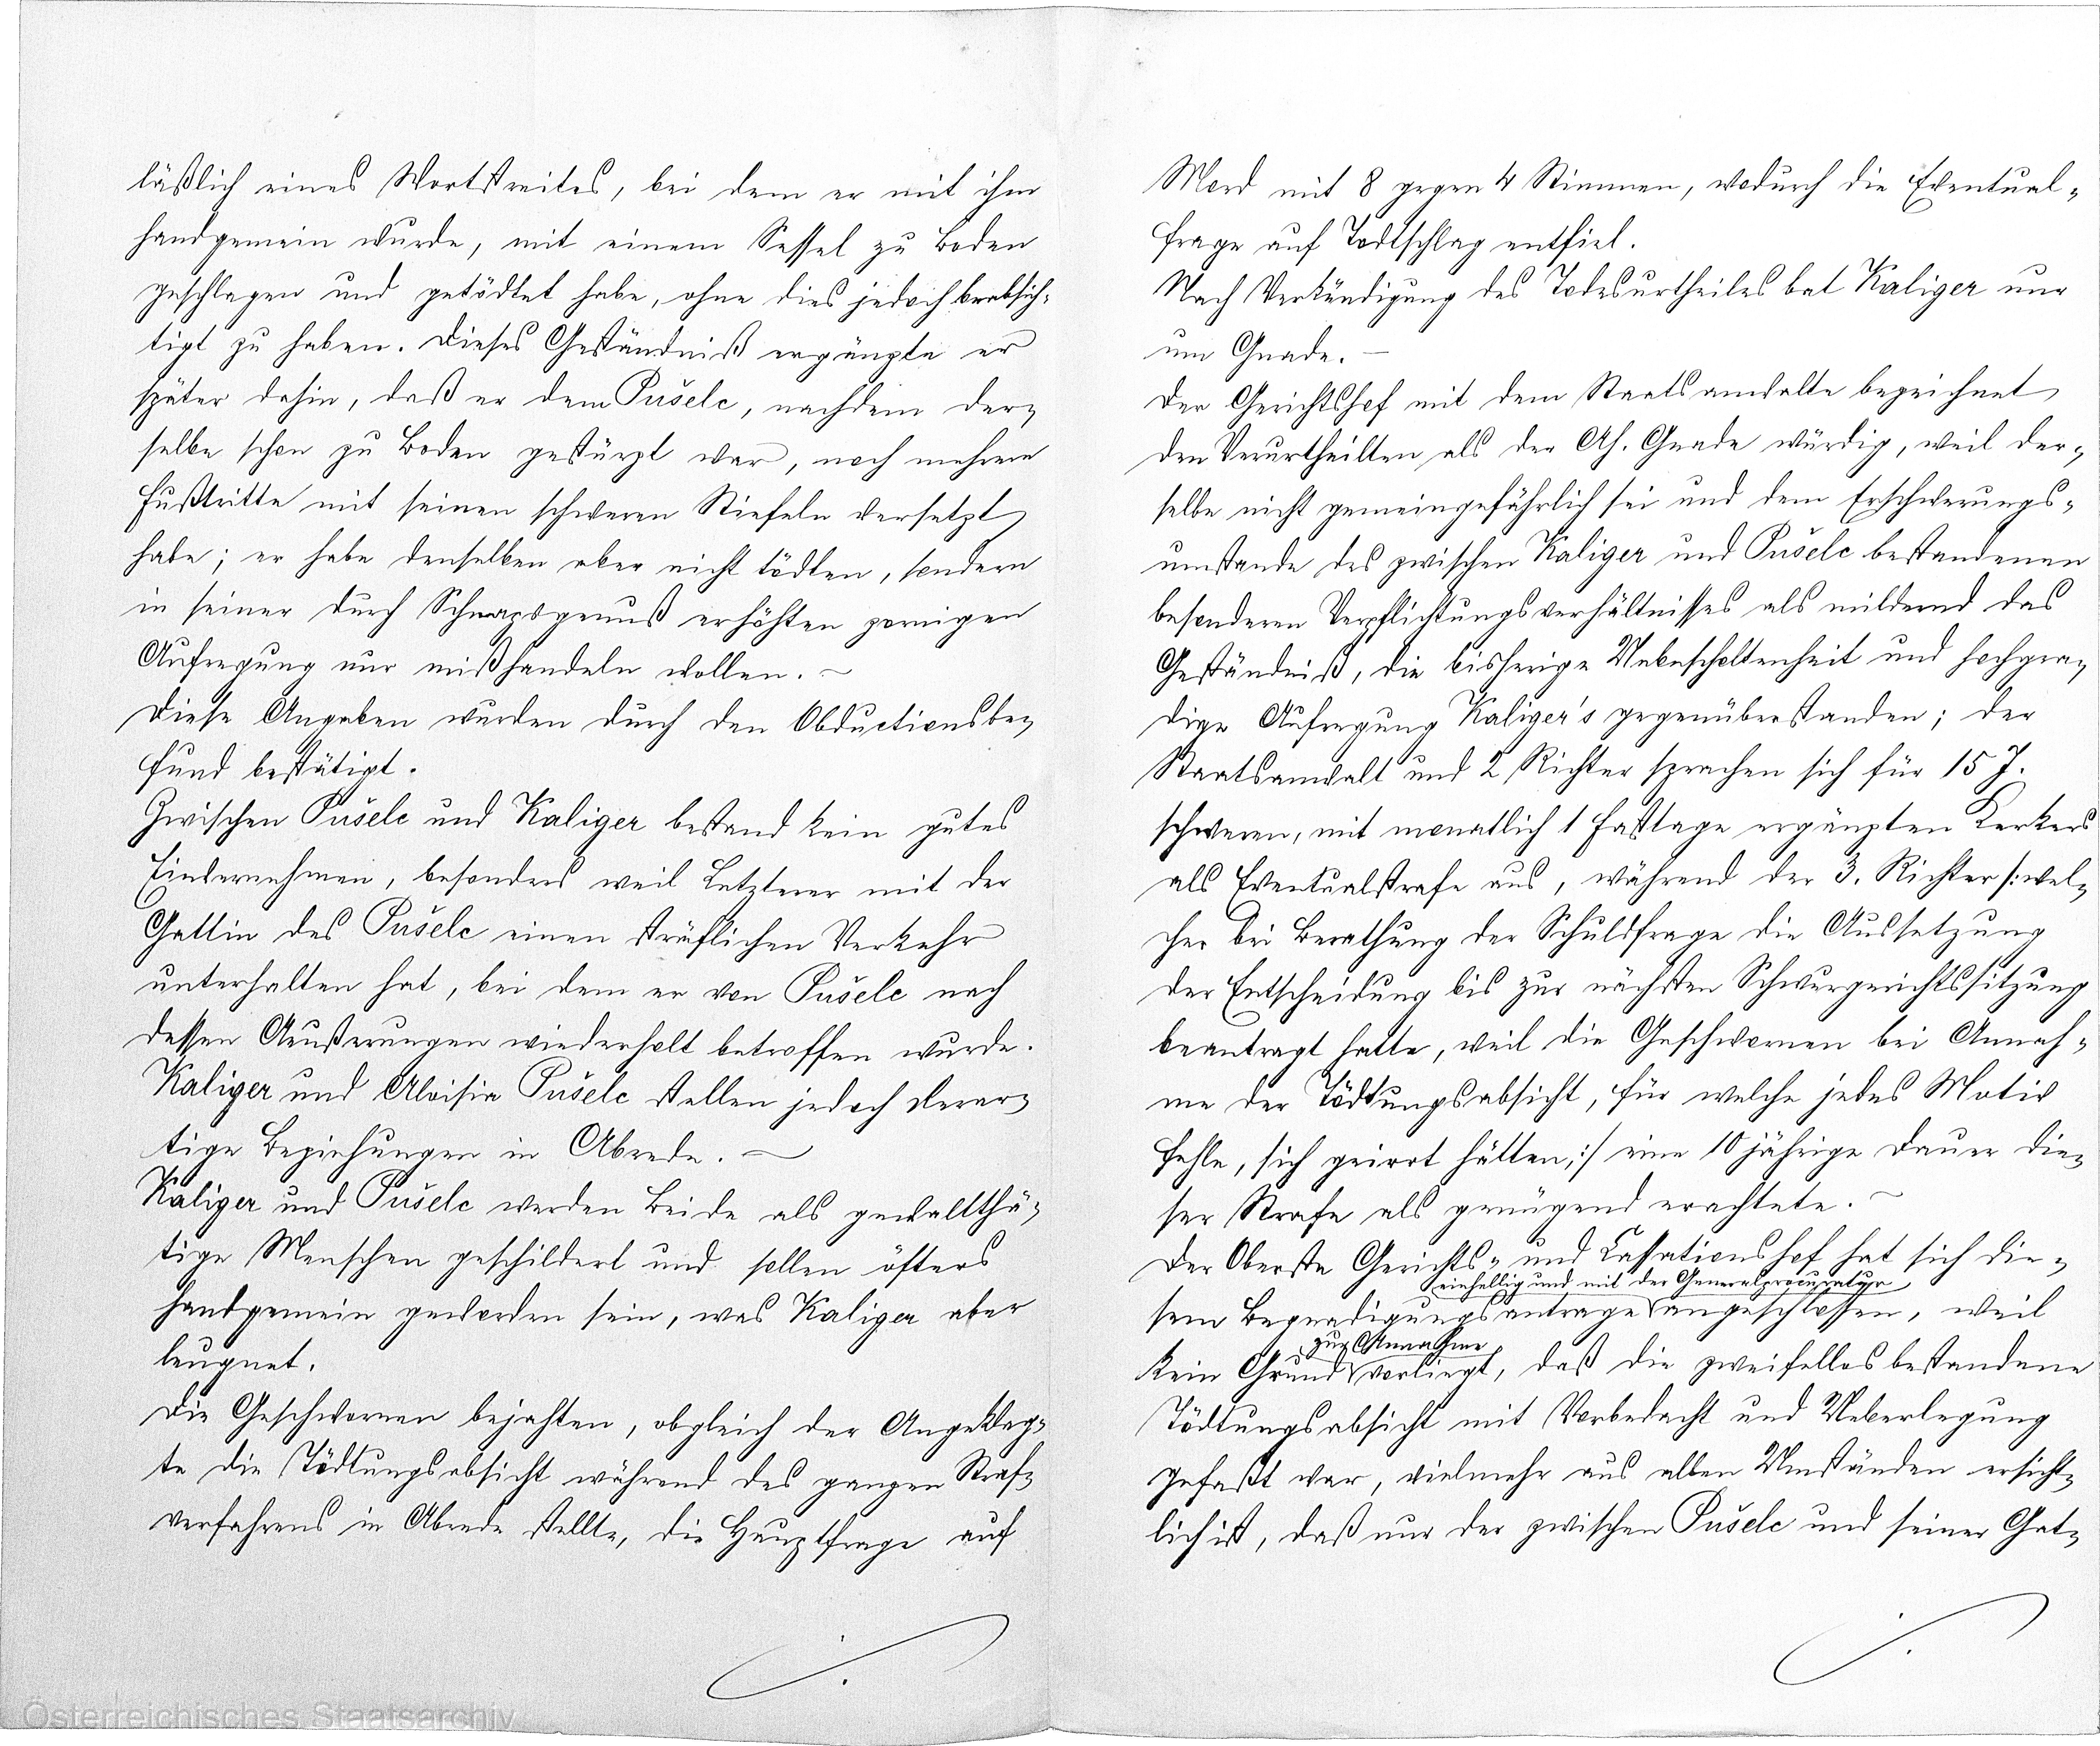läßlich eines Wertstreites, bei dem er mit ihm
handgemein wurde, mit einem Sessel zu Boden
geschlagen und getödtet habe, ohne dies jedoch beabsich¬
tigt zu haben. Dieses Geständniß ergänzte er
später dahin, daß er dem Pušelc, nachdem der¬
selbe schon zu Boden gestürzt war, noch mehrere
Fußtritte mit seinen schweren Stiefeln versetzt
habe; er habe denselben aber nicht tödten, sondern
in seiner durch Schwazsgrunß erhöhten zornigen
Aufregung nur mißhandeln wollen.
Diese Angeben wurden durch den Obductionsbe¬
fund bestätigt.
Zwischen Pušelc und Kaliger bestand kein gutes
Einvernehmen, besonders weil Letzterer mit der
Gattin des Pušelc einen sträflichen Verkehr
unterhalten hat, bei dem er von Pušelc nach
dessen Aeußerungen wiederholt betroffen wurde.
Kaliger und Aloisia Pušelc stellen jedoch Verer¬
tige Beziehungen in Abrede.
Kaliger und Pušelc werden beide als gewaltthä¬
tige Menschen geschildert und sollen öfters
Handgemein geworden sein, was Kaliger aber
leugnet.
Die Geschwornen bejahten, obgleich der Angeklag¬
te die Tödtungsabsicht während des ganzen Straf¬
verfahrens in Abrede stellte, die Hauptfrage auf
Mord mit 8 gegen 4 Stimmer, wodurch die Eventual¬
frage auf Todtschlag entfiel.
Nach Verkündigung des Todesurtheiles bat Kaliger nur
um Gnade.-
Der Gerichtshof mit dem Staatsanwalte bezeichnet
den Verurtheilten als der Ah. Gnade würdig, weil der¬
selbe nicht gemeingefährlich sei und dem Erschwerungs¬
umstande des zwischen Kaliger und Pušelc bestandenen
besonderen Verpflichtungsverhältnisses als mildernd das
Geständniß, die bisherige Unbescholtenheit und hochgra¬
dige Aufregung Kaliger’s gegenüberstanden; der
Staatsanwalt und 2 Richter sprachen sich für 15 J.
schweren, mit monatlich 1 Fasttage ergänzten Kerkers
als Eventualstrafe aus, während der xx. Richter /:wel¬
cher bei Berathung der Schuldfrage die Aussetzung
der Entscheidung bis zur nächsten Schwurgerichtssitzung
beantragt hatte, weil die Geschwornen bei Annah¬
me der Tödtungsabsicht, für welche jedes Motiv
fehle, sich geirrt hätten,:/ eine 10 jährige Dauer die¬
ser Strafe als genügend erachtete.
Der Oberste Gerichts- und Cassationshof hat sich die¬
einhellig und mit der Generalprocuratur
sem Begnadigungsantrage angeschlossen, weil
zur Annahme
kein Grund vorliegt, daß die zweifelles bestandene
Tödtungsabsicht mit Vorbedacht und Ueberlegung
gefaßt war, vielmehr aus alten Umständen ersicht¬
lich ist, daß nur der zwischen Pušelc und seiner Gat-